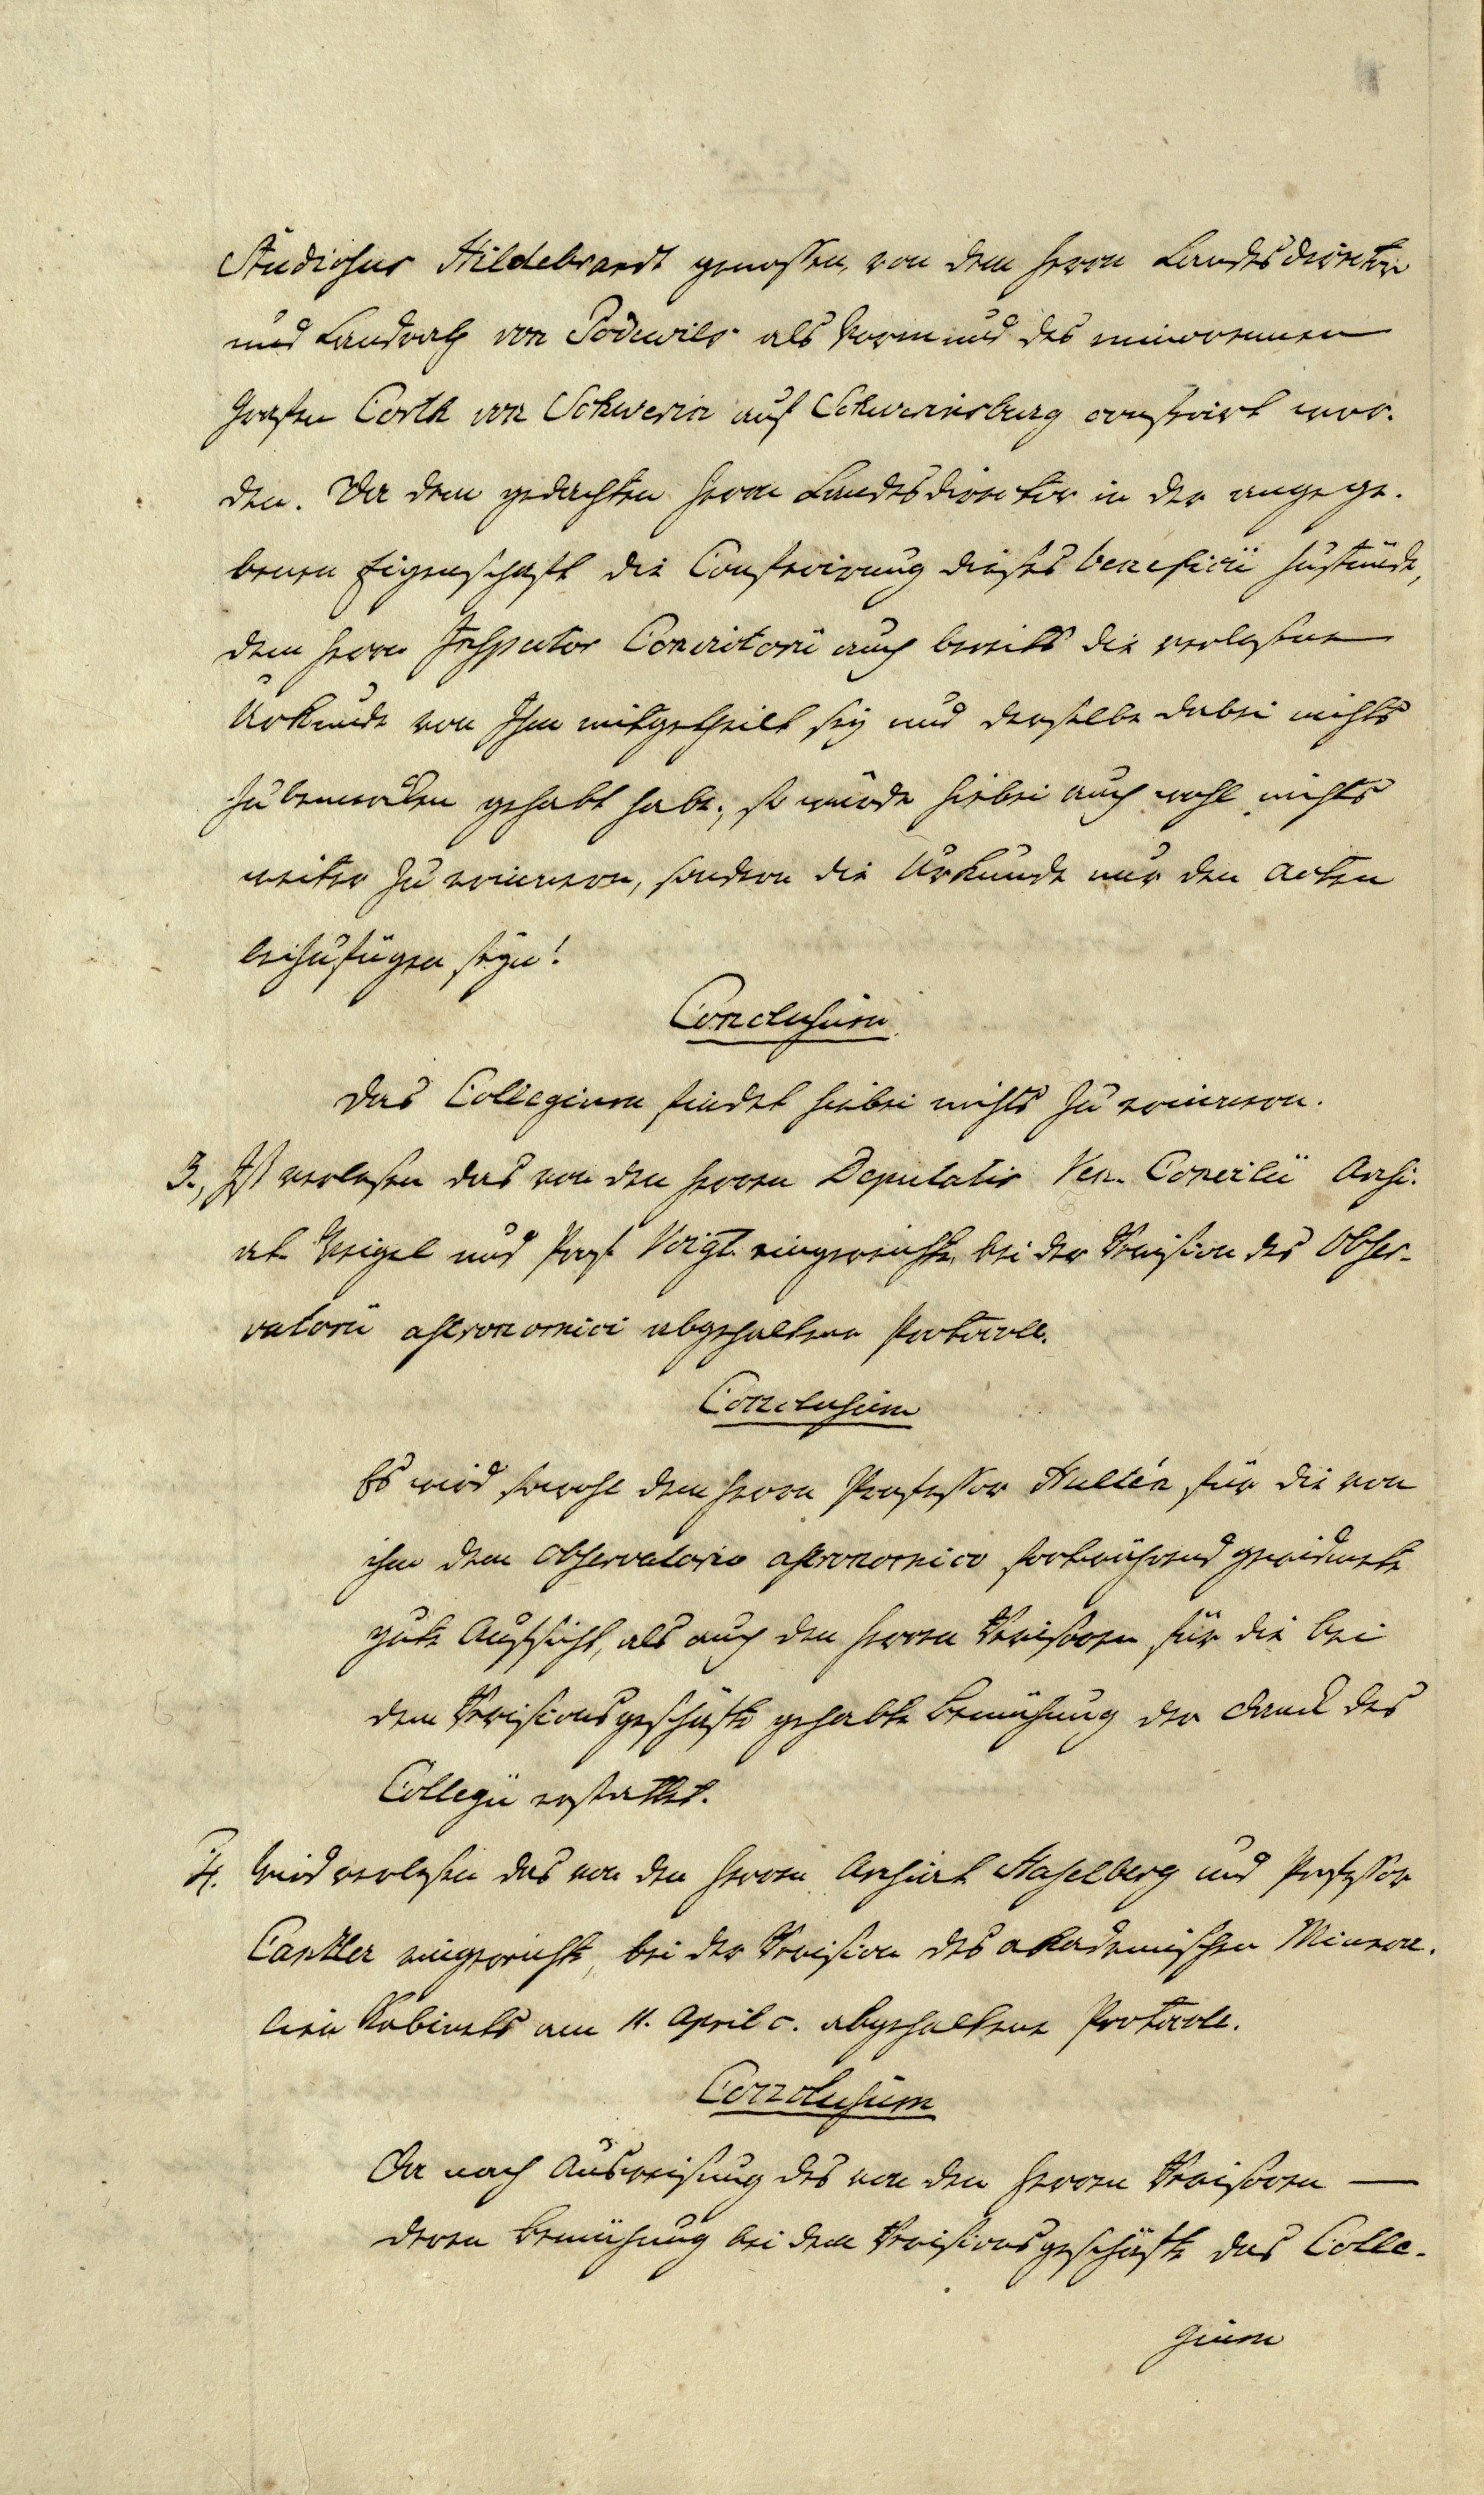Studiosus Hildebrandt genossen, von dem Herrn Landesdirector
und Landrath von Podewils als Vormund des minorennen
Grafen Corth von Schwerin auf Schwerinsburg conferirt wor¬
den. Da dem gedachten Herrn Landesdirector in der angege¬
benen Eigenschaft die Conferirung dieses beneficii zustünde,
dem Herrn Inspector Convictorii auch bereits die verlesene
Urkunde von Ihm mitgetheilt seÿ und derselbe dabei nichts
zubemerken gehabt habe, so würde hiebei auch wohl nichts
weiter zu erinnern, sondern die Urkunde nur den Acten
beizufügen seÿn!
Conclusum
Das Collegium findet hiebei nichts zu erinnern.
3., Ist verlesen das von den Herren Deputatis Ven. Concilii Archi¬
at. Weigel und Prof. Voigt eingereichte, bei der Revision des Obser¬
vatorii astronomici abgehaltene Protocoll.
Conclusum
Es wird sowohl dem Herrn Professor Hultén für die von
ihm dem Observatorio astronomico fortwährend gewidmete
gute Aufsicht, als auch den Herren Revisoren für die bei
dem Revisionsgeschäfte gehabte Bemühung der Danck des
Collegii erstattet.
4. Wird verlesen das von den Herren Archiat. Haselberg und Professor
Canzler eingereichte bei der Revision des akademischen Minera¬
lien Kabinets am 11. April c. abgehaltene Protocoll.
Conclusum
Da nach Ausweisung des von den Herren Revisoren
deren Bemühung bei dem Revisionsgeschäfte das Colle¬
gium